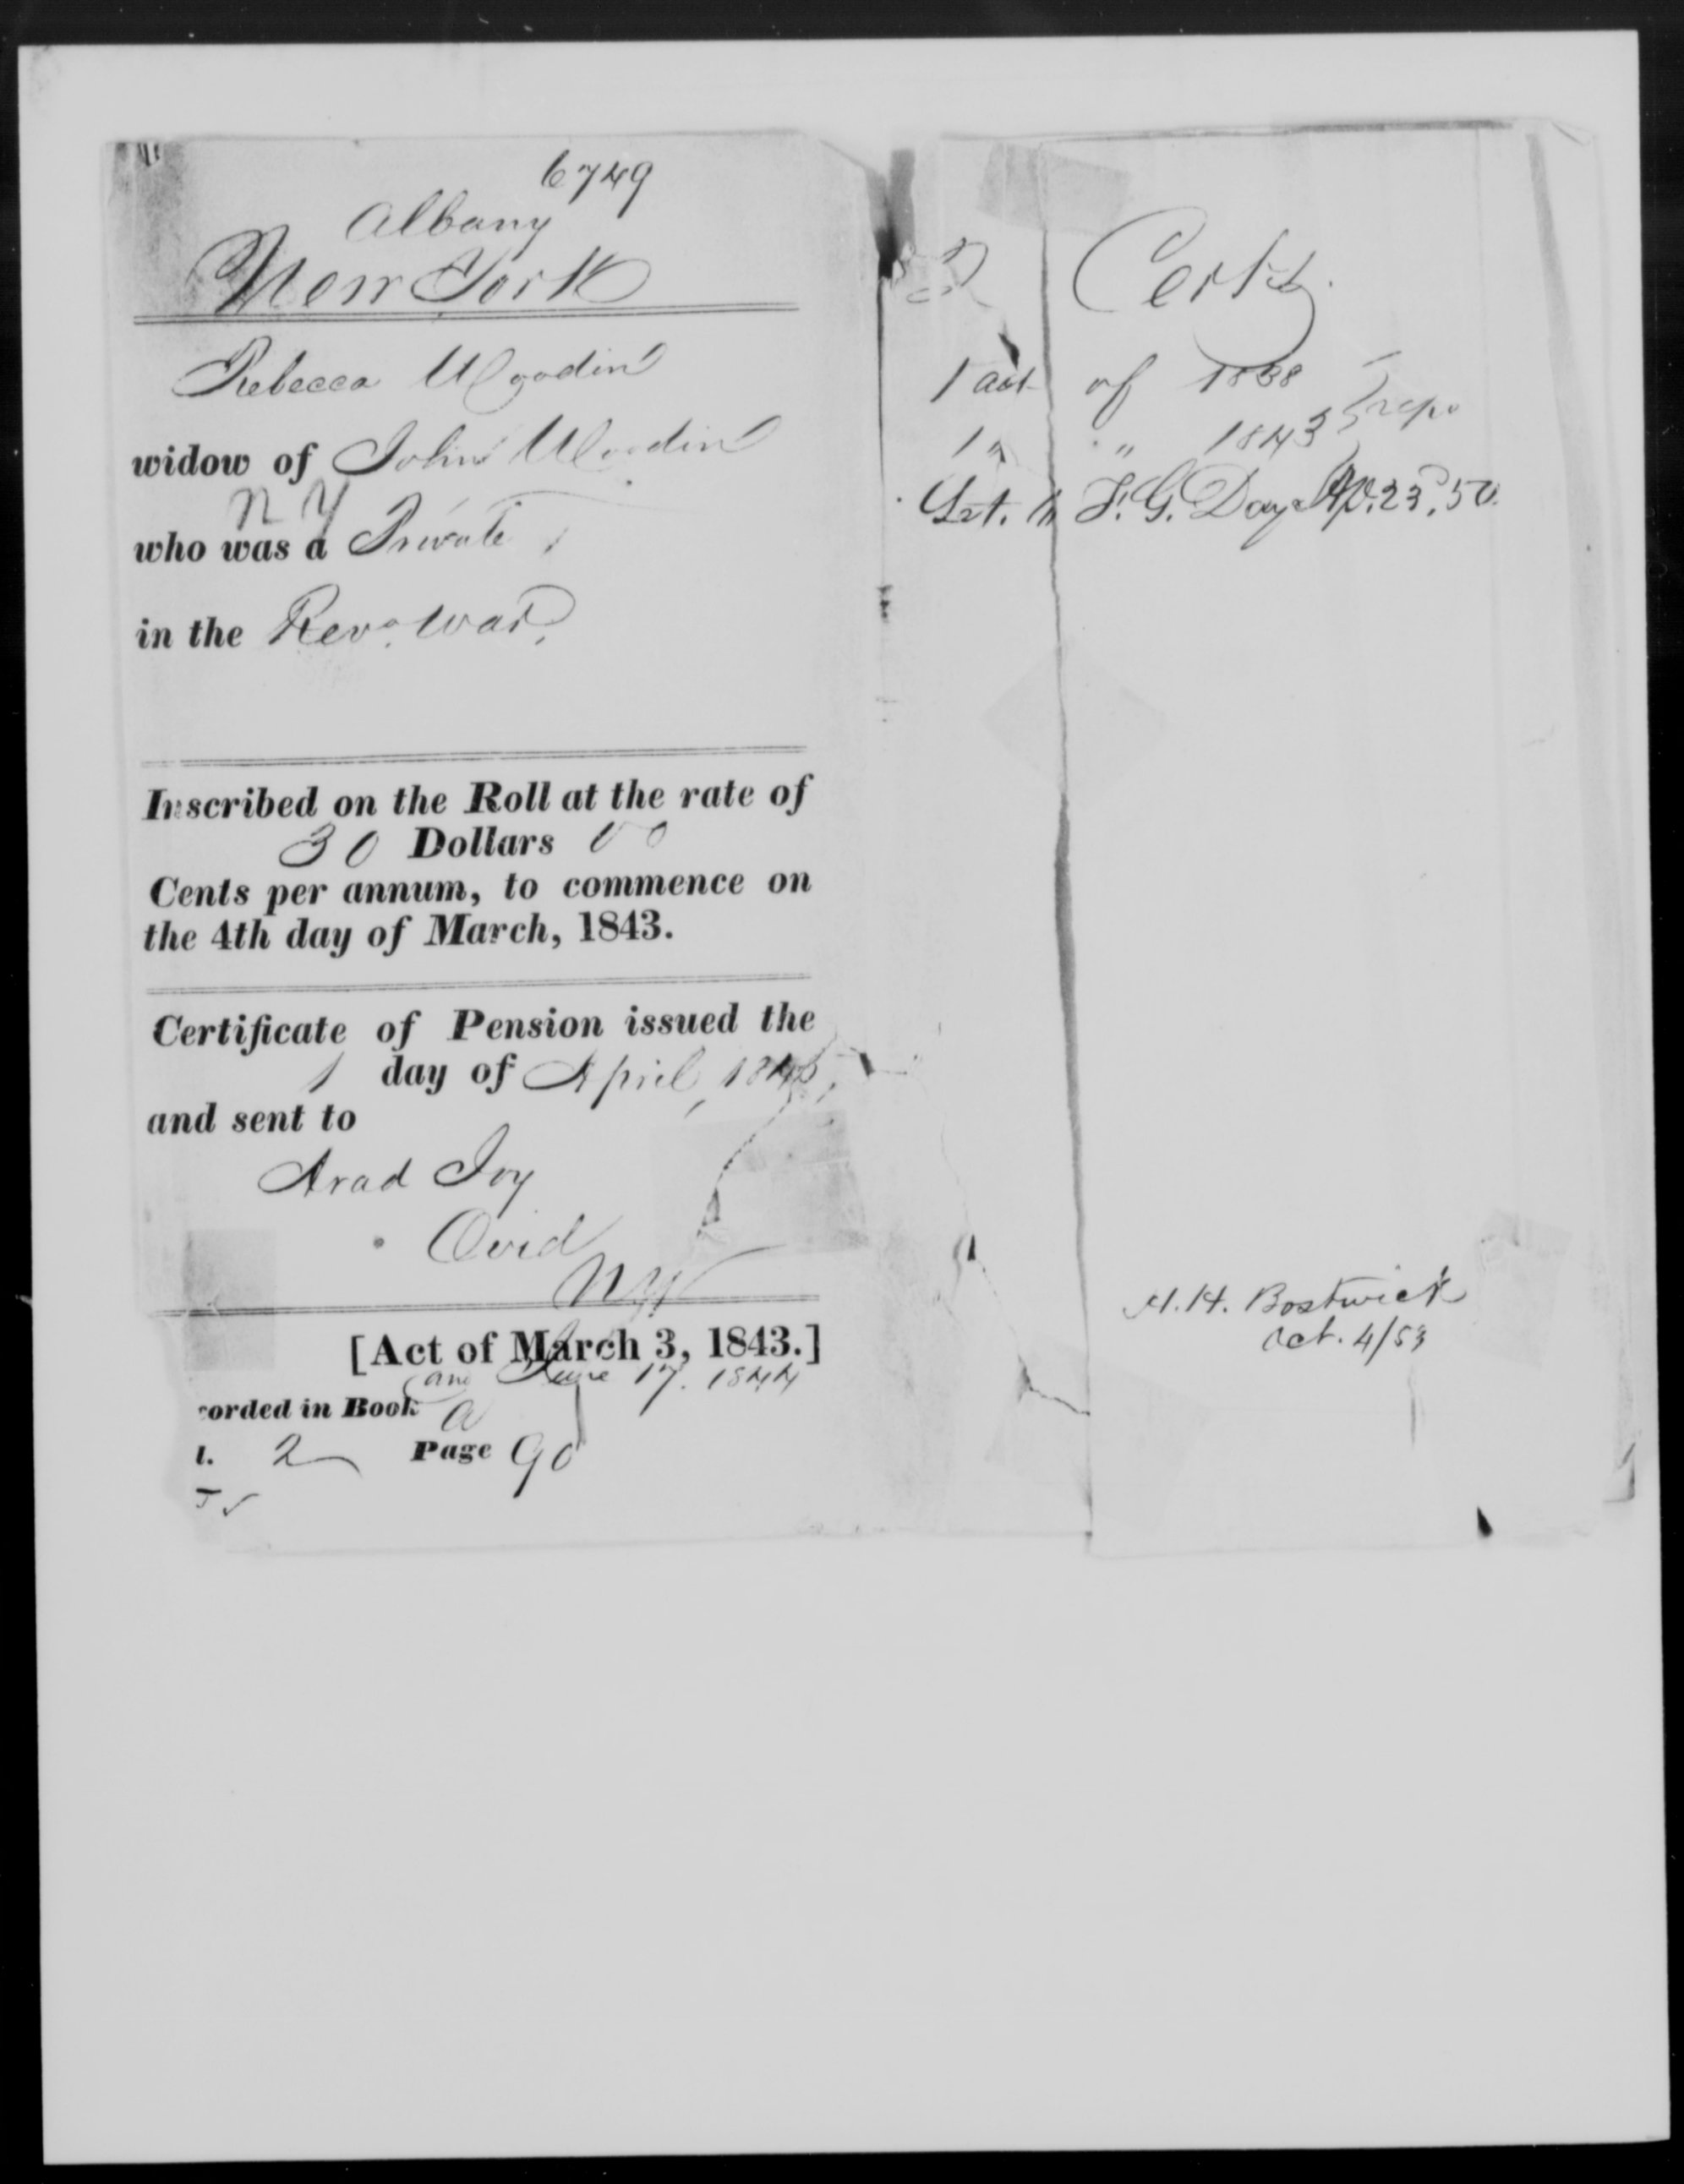last of 1838
l of 1843
Let. To F. G. Day Apr 23. ‘56

6749
Albany
New York 

Rebecca Woodin widow of John Woodin NY
who was a Private 
in the Rev. War

Inscribed on the Roll at the rate of 30 Dollars 00 Cents per annum, to commence on the 4th day of March, 1843. 

Certificate of Pension issued the day 1 day of April 1845 
and sent to Arad Joy 
Ovid 
NY
[Act of March 3, 1843.] and June 17th 1844 

Recorded in - Book 2 Page 90  M.H. Bostwick Oct. 4 /53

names: Arad Joy, F G Day, Rebecca Woodin, H H Bostwick, John Woodin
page: 2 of 77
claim: widow's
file: W. 19658, John Woodin, New York